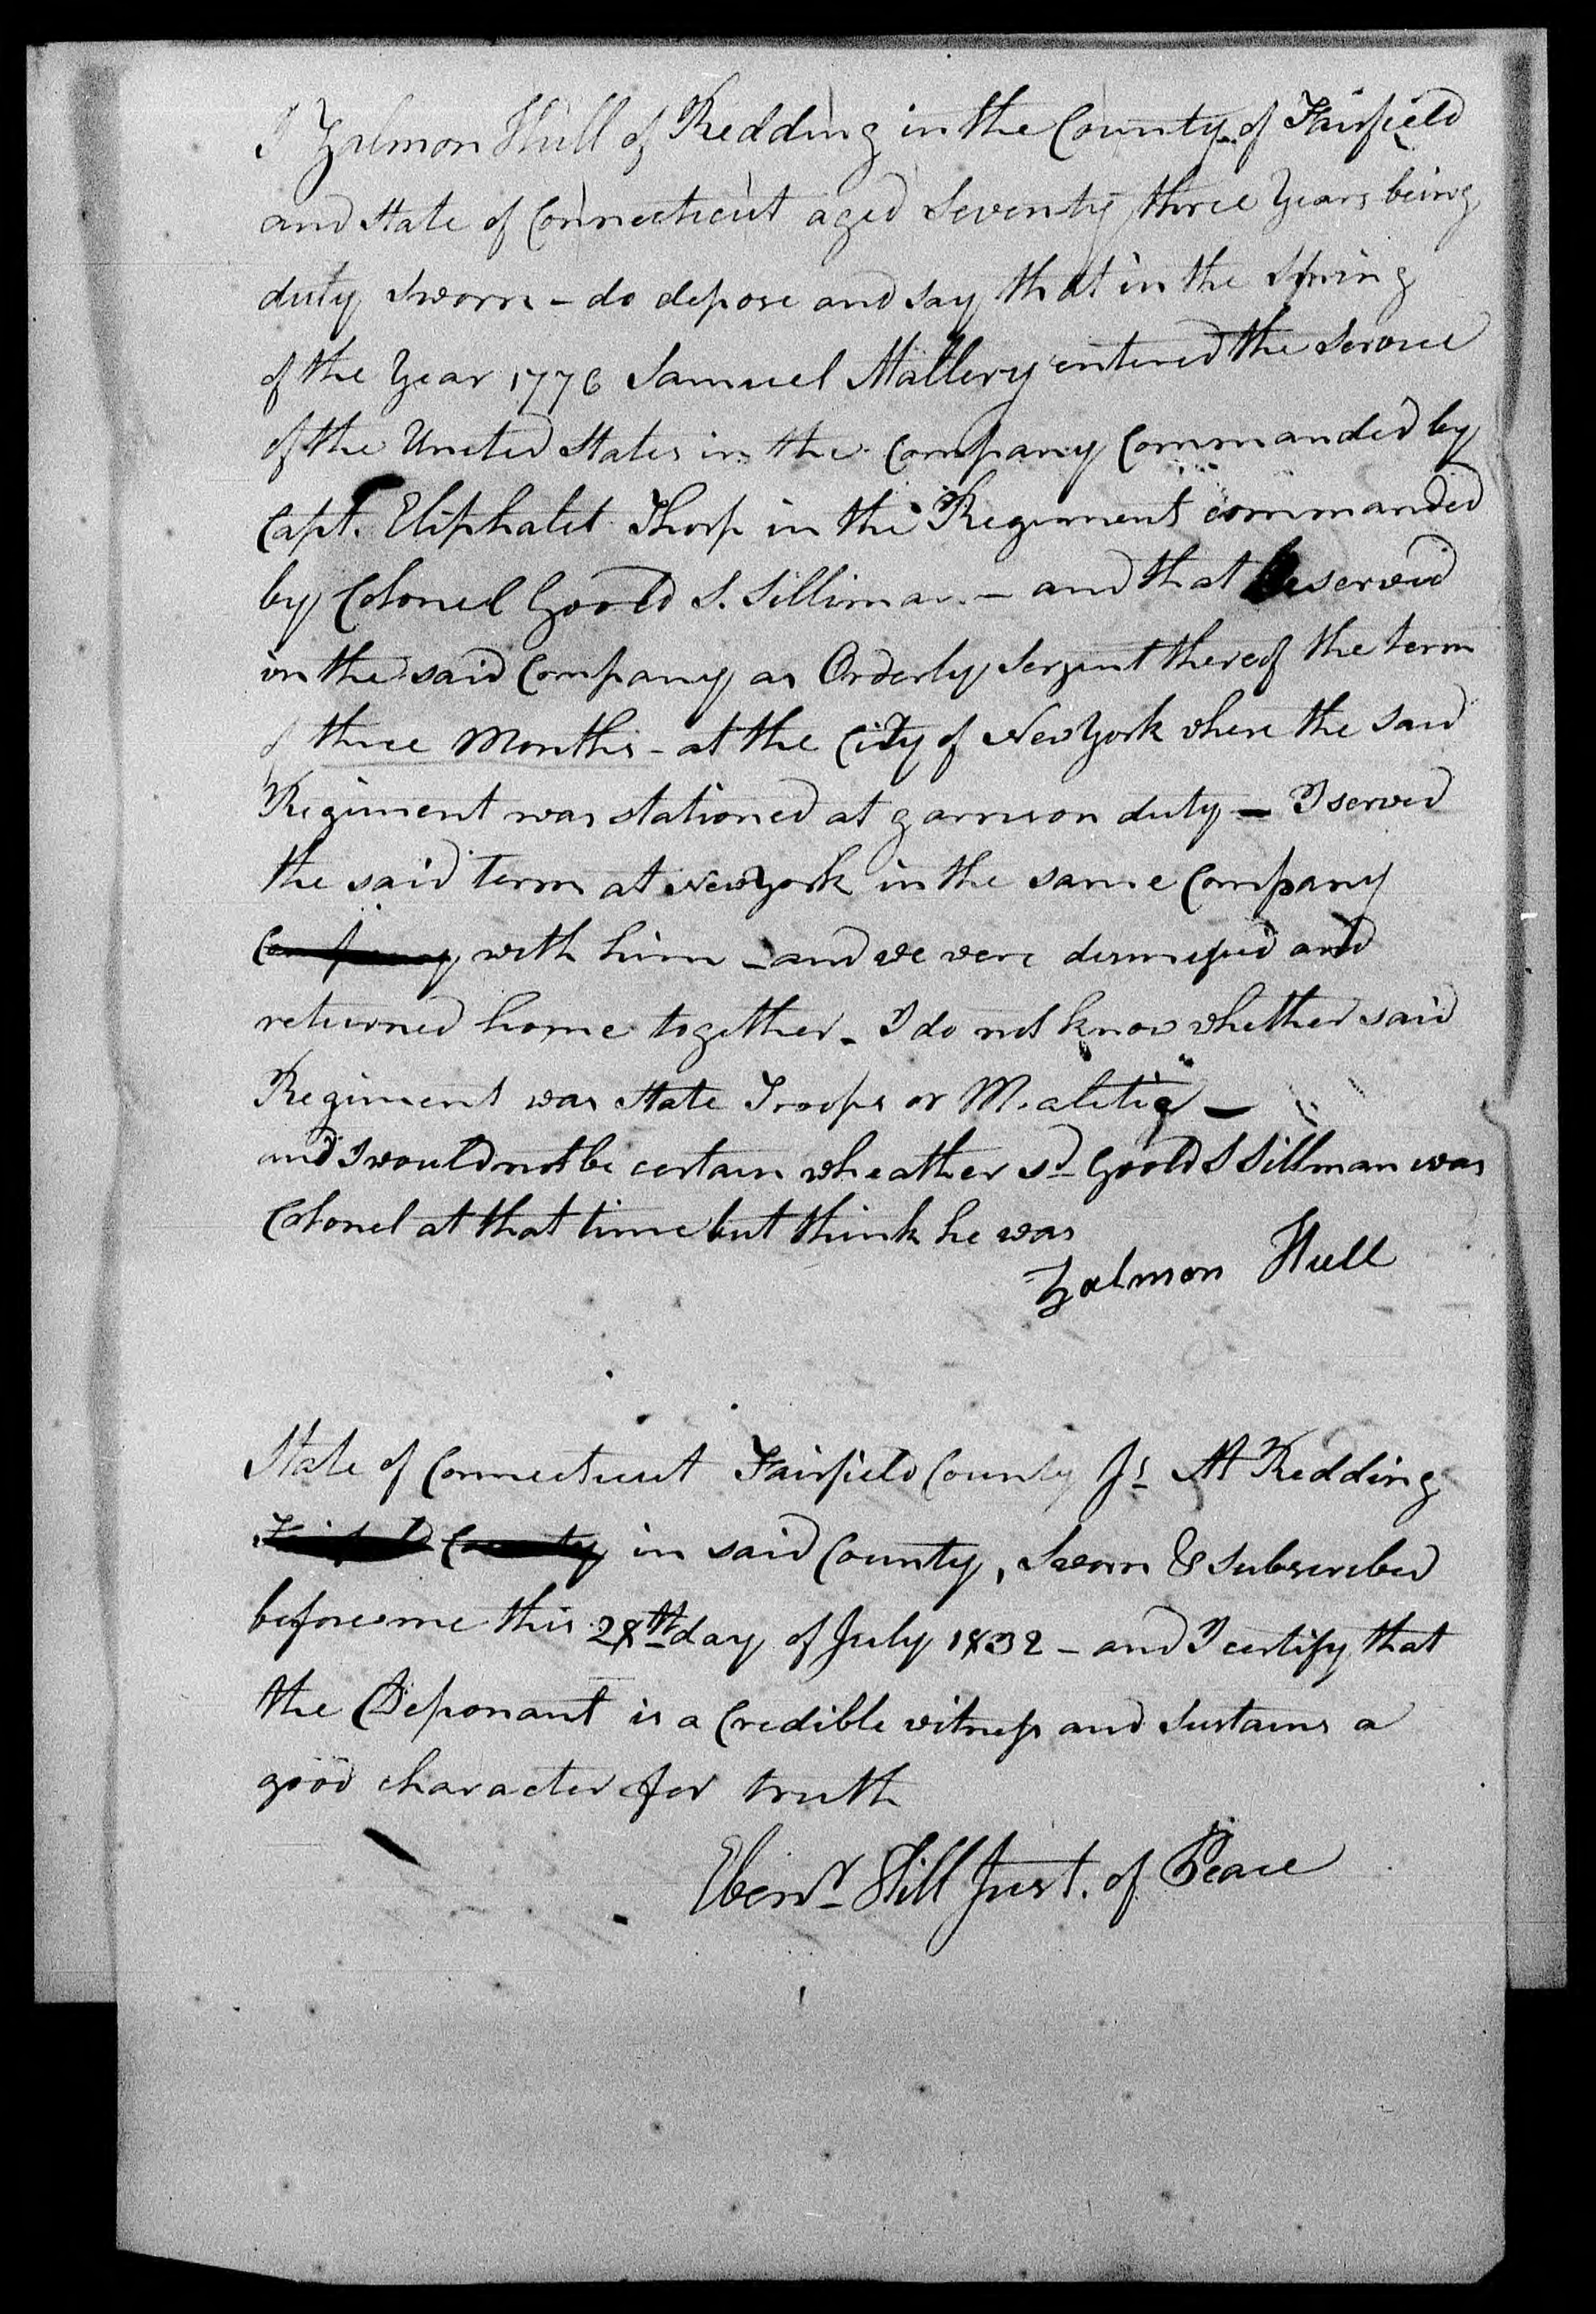I Zalmon Hull of Redding in the County of Fairfield and State of Connecticut aged seventy three years being duly sworn do depose and say that in the Spring of the year 1776 Samuel Mallery entered the service of the United States in the company commanded by Capt. Eliphalet Thorp in the Regiment commanded by Colonel Goold S. Silliman - and that he served on the said Company as orderly Sergent thereof the term of three months at the City of New York where the said Regiment was stationed at Garrison duty.  I served the said term at New York in the same Company with him and we were dismissed and returned home together. I do not know whether said Regiment was State Troops or Militia and I would not be certain wheather said Gold S Silliman was Colonel at that time but think he was. 
Zalmon Hull 
State of Connecticut Fairfield County SS At Redding in said County, Sworn & Subscribed before me this 28th day of July 1832, and I certify that the Deponant is a credible witness and sustains a good character for truth. 
Ebenr Hill Just of Peace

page: 18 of 29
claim: survivor's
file: S. 23,312, for Samuel Mallery, Connecticut